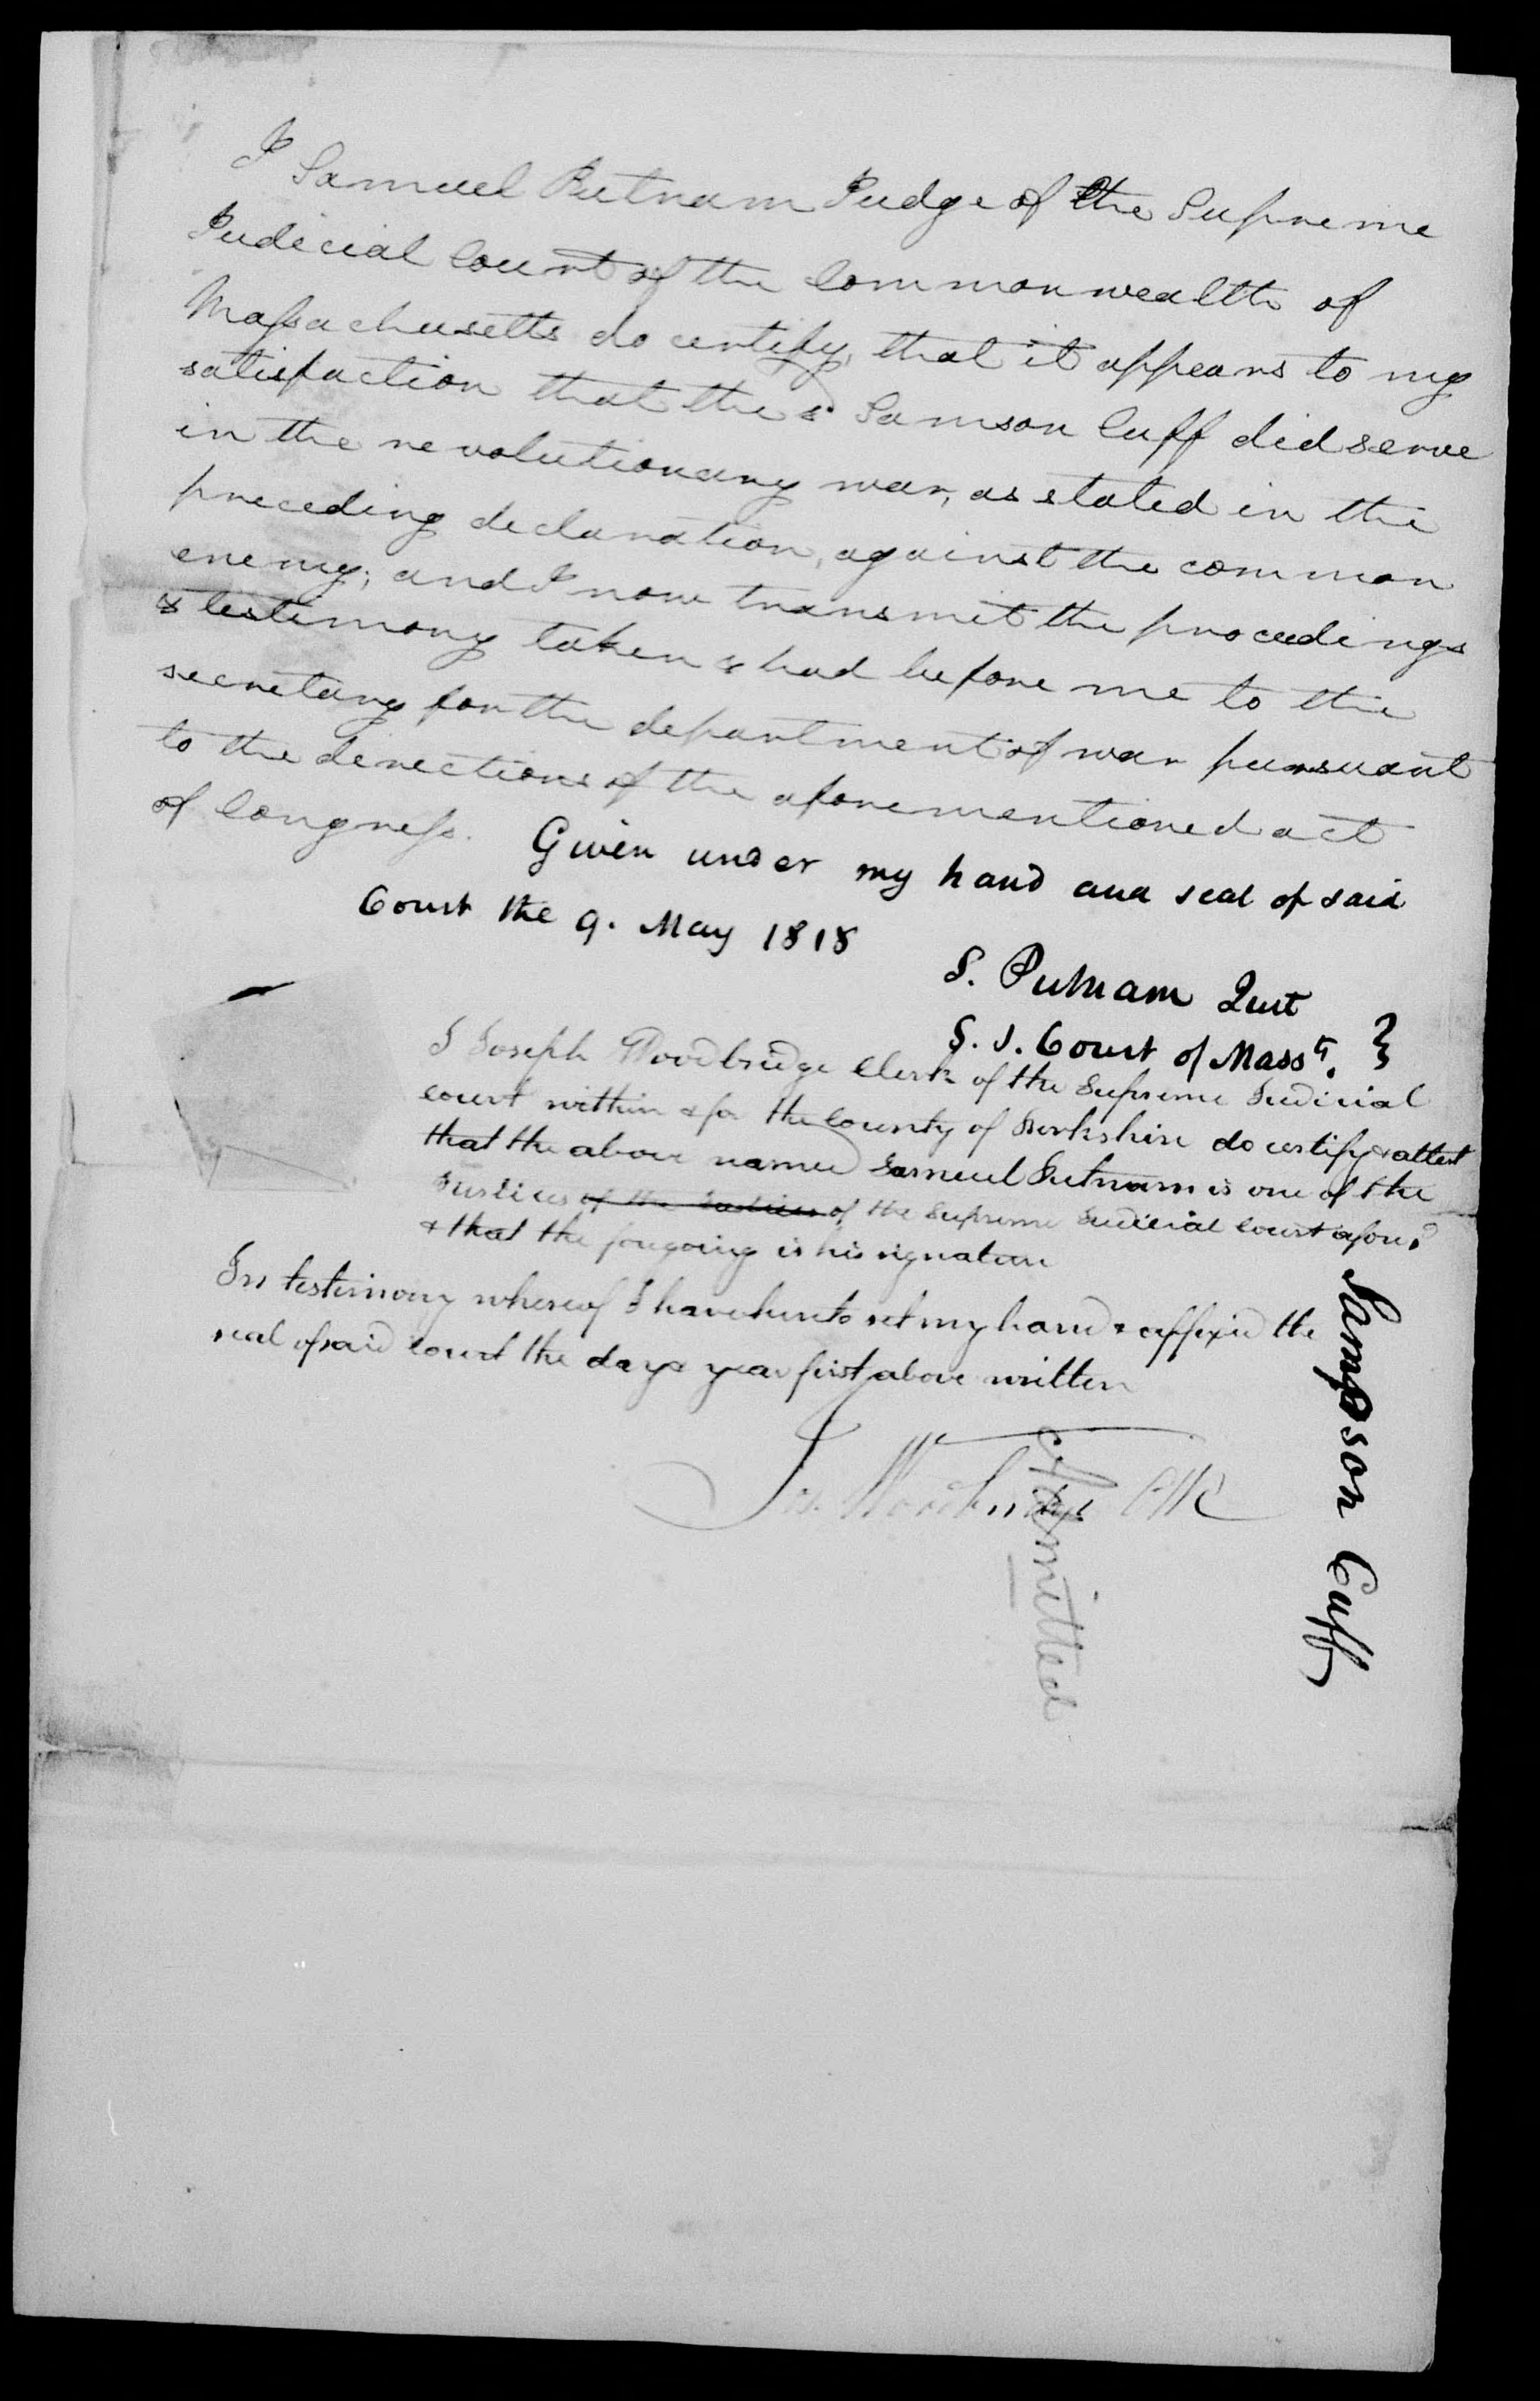I Samuel Putnam pledge of the [ILLEGIBLE] judicial county of the commonwealth of Massachusetts to certify that it appears to my satisfaction that the S. Samson Cuff did serve in the revolutionary war, as stated in this preceding declaration, against the common enemy; and I now transmit the proceedings as testimony taken in hand before me to this secretary in the department of war [ILLEGIBLE] to the directions of the aforementioned date of [ILLEGIBLE].

Given under my hand and seal of said court the 9 of May 1818.
[SIGNATURE]
S. Putnam Lust
S.J. Court of Mass 5

I Joseph Woodbridge clerk of the Supreme Judicial court within and for the county of Berkshire do certificattend that the above name Samuel Putnam is one of the justices of the Supreme court aforem. & that the foregoing is his signature.
In testimony whereof I have hereto set my [ILLEGIBLE]
[signature] J. Woodbridge
(admitted handwritten over signature0
Samson Cuff
(Handwritten perpendicular to Woodbridge's signature)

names: Samuel Putnam, Samuel Putnam, Joseph Woodbridge, Sampson Cuff, Jos Woodbridge, Samson Cuff, S Putnam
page: 4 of 11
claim: survivor's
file: S. 34,616, Samson Cuff, Conn.